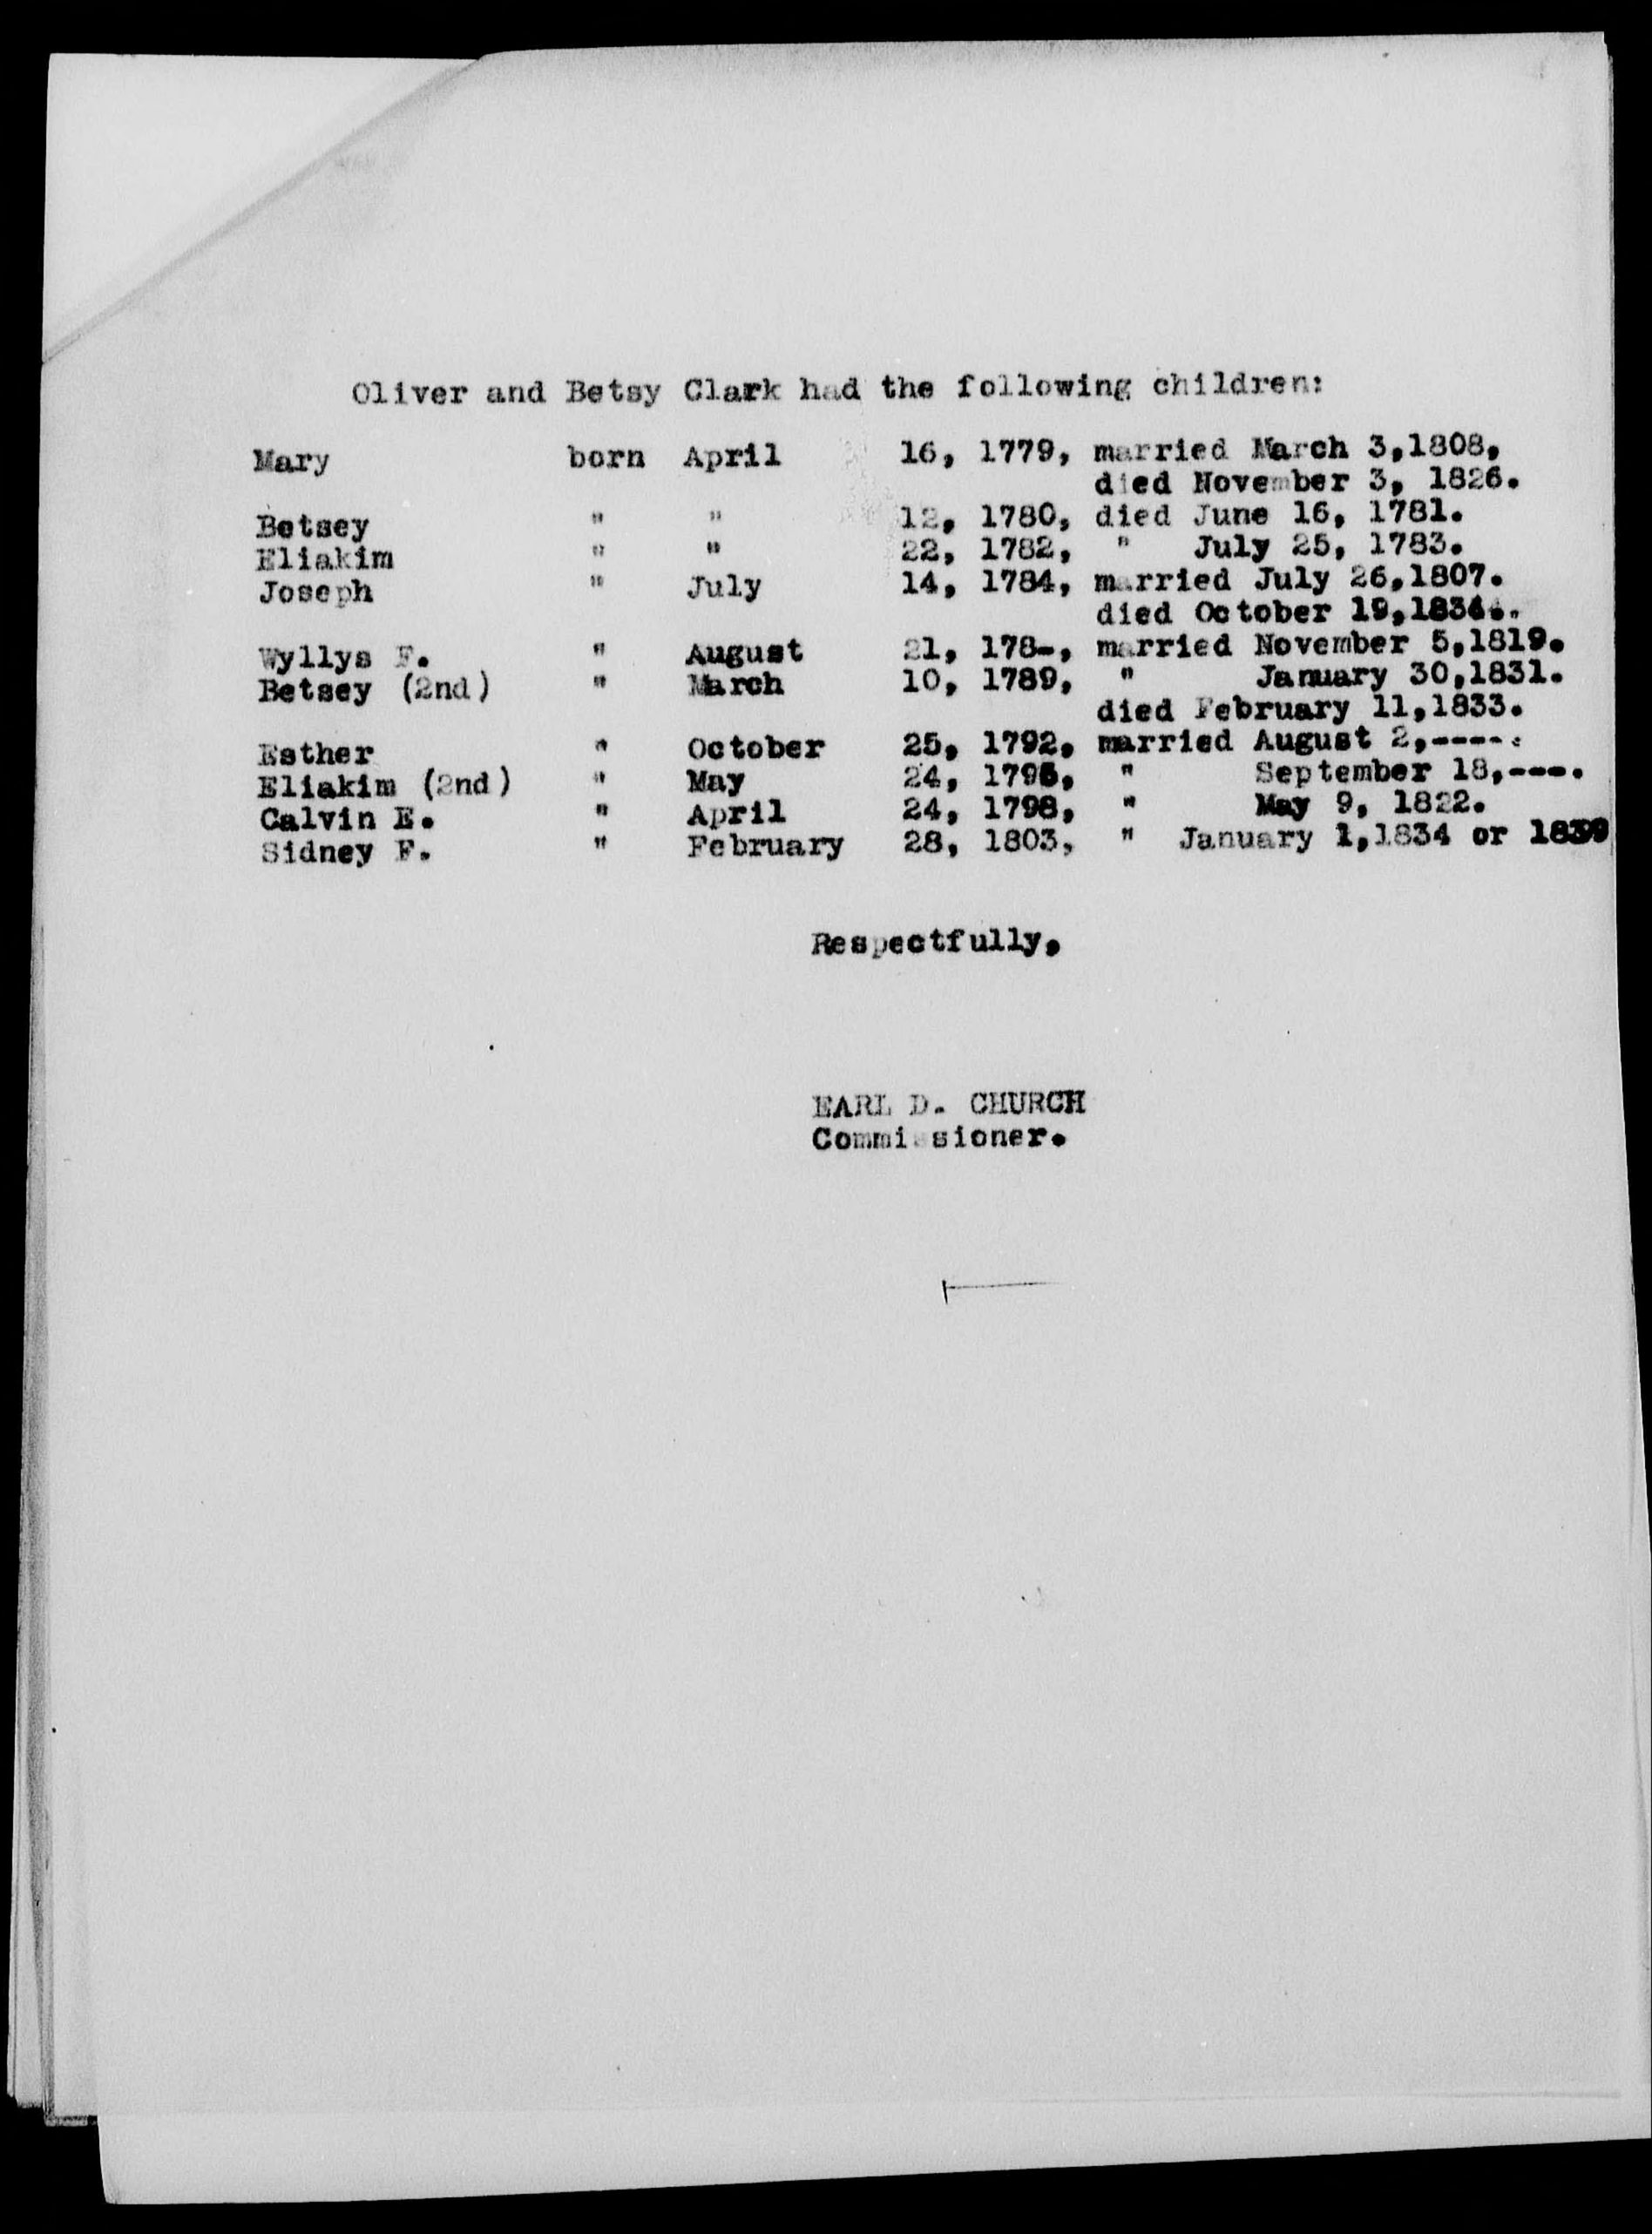[typed]
Oliver and Betsy Clark had the following children:
Mary Born April 16th 1779, married March 3d 1808,
died November 3, 1826.
Betsey born April 12, 1780, died June 16, 1781.
Eliakim born April 22, 1782, died July 25, 1783.
Joseph born July 14, 1784, married July 26, 1807.
died October 19, 1834.
Wyllys F. born August 21, 178-, married November 5, 1819.
Betsey (2nd) born March 10, 1789, married January 30, 1831.
died February 11, 1833.
Esther born October 25, 1792, married August 2, -----.
Eliakim (2nd) born May 24, 1795, married September 18, -----.
Calvin E. born April 24, 1798, married May 9, 1822.
Sidney F. born February 28, 1803, married January 1, 1834 or 1839.
Very truly yours,
Earl  D. Church
Commissioner.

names: Betsy Clark, Eliakim, Betsey, Oliver Clark, Mary, Earl D Church, Eliakim, Joseph, Calvin E, Sidney F, Wyllys F, Betsey, Esther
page: 21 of 51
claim: widow's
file: W. 23816, Oliver Clark, Conn.